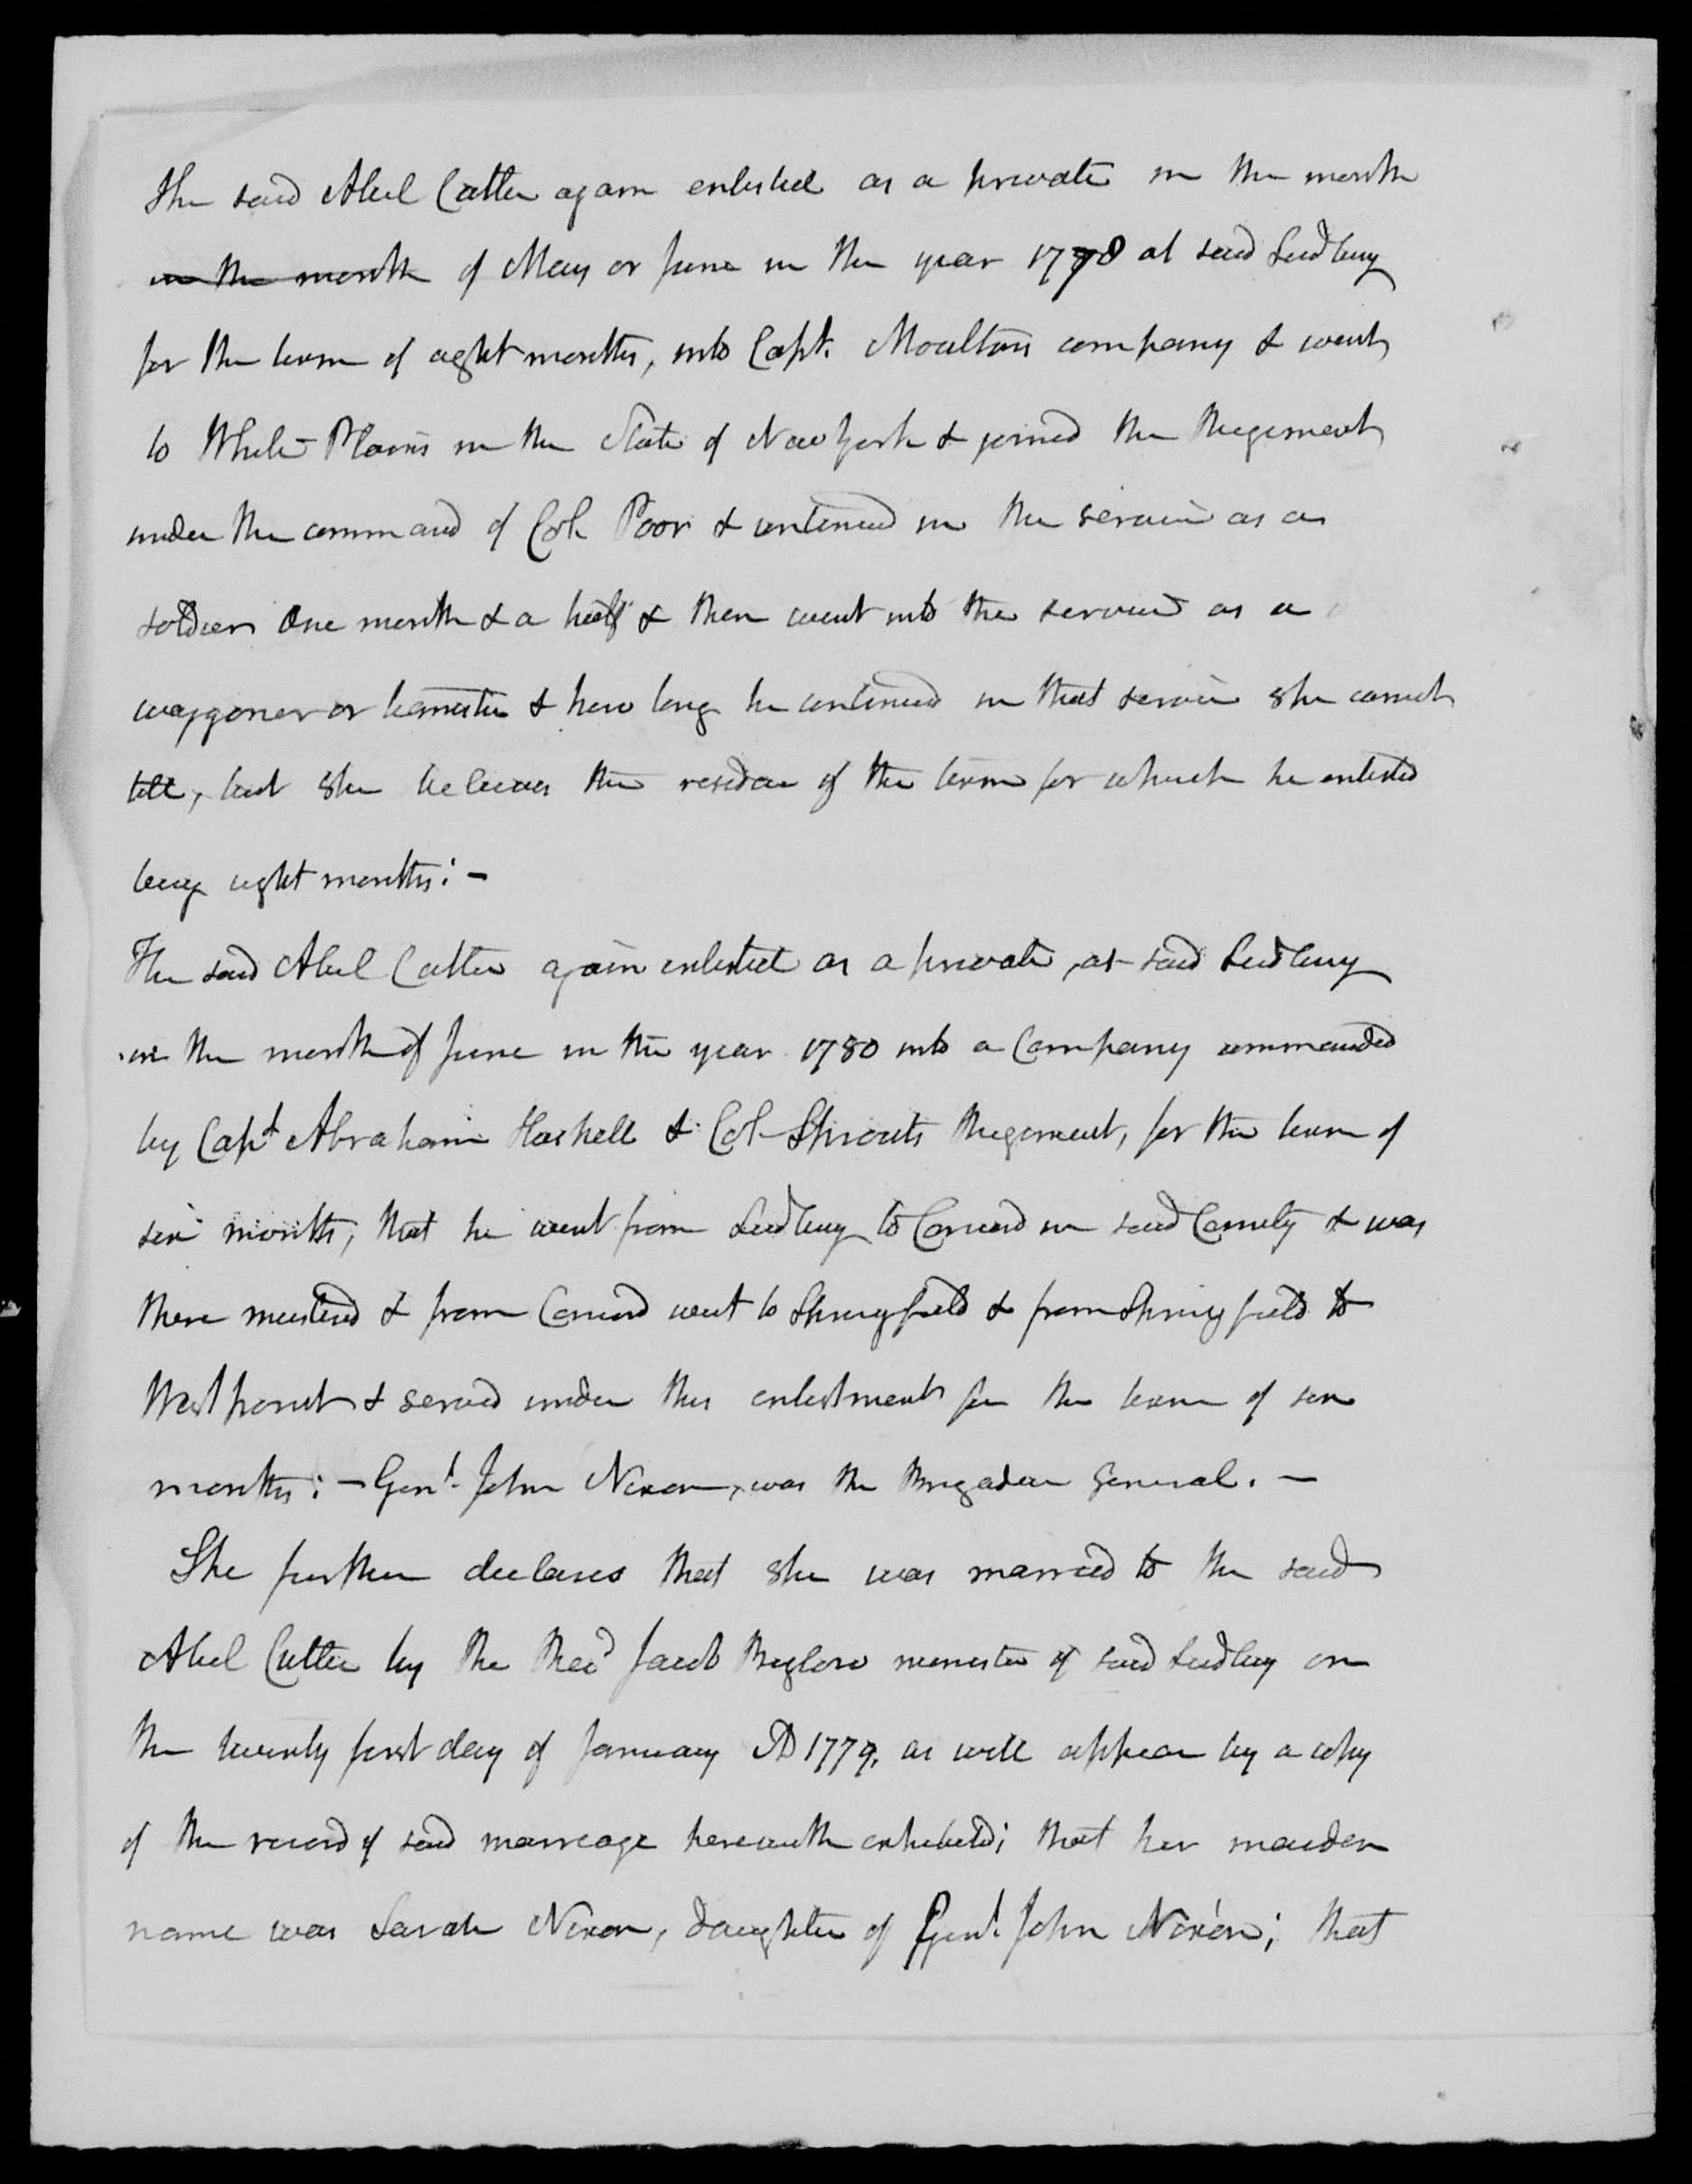The said Abel Cutler again enlisted as a private in the month of May or June in the year 1778 at said Sudbury for the term of eight months into Capt. Moulton's company and went to White Plains in the State of New York and joined the Regiment under the command of Col. Poor and continued in the service as a soldier one month and a half and then went into the service as a wagoner or [illegible] and how long he continued in that service she cannot tell, but she believes the residue of the term for which he enlisted being eight months.
The said Abel Cutler again enlisted as a private at said Sudbury in the month of June in the year 1780 into a company commanded by Capt Abraham Haskell and Col. Sproutz Regiment, for the term of ten months, next he went from Sudbury to Concord in said County and was there mustered and from Concord went to Springfield and from Springfield to West Point and served under this enlistment for the term of ten months: General John Nixon was the Brigadier general. She further declares that she was married to the said Abel Cutler by the Rev Jacob Bylore minister of said Sudbury on the 21 Jan 1779 as will appear by a copy of the record of said marriage herewith exhibited; that her maiden name was Sarah Nixon, daughter of General John Nixen; that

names: John Nixon, John Nixon, Poor, Sarah Nixon, Abel Cutler, Abel Cutler, Abraham Hashell, Abel Cutler, Jacob Beglow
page: 5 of 22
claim: widow's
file: W. 14,552, Abel Cutler, Mass.